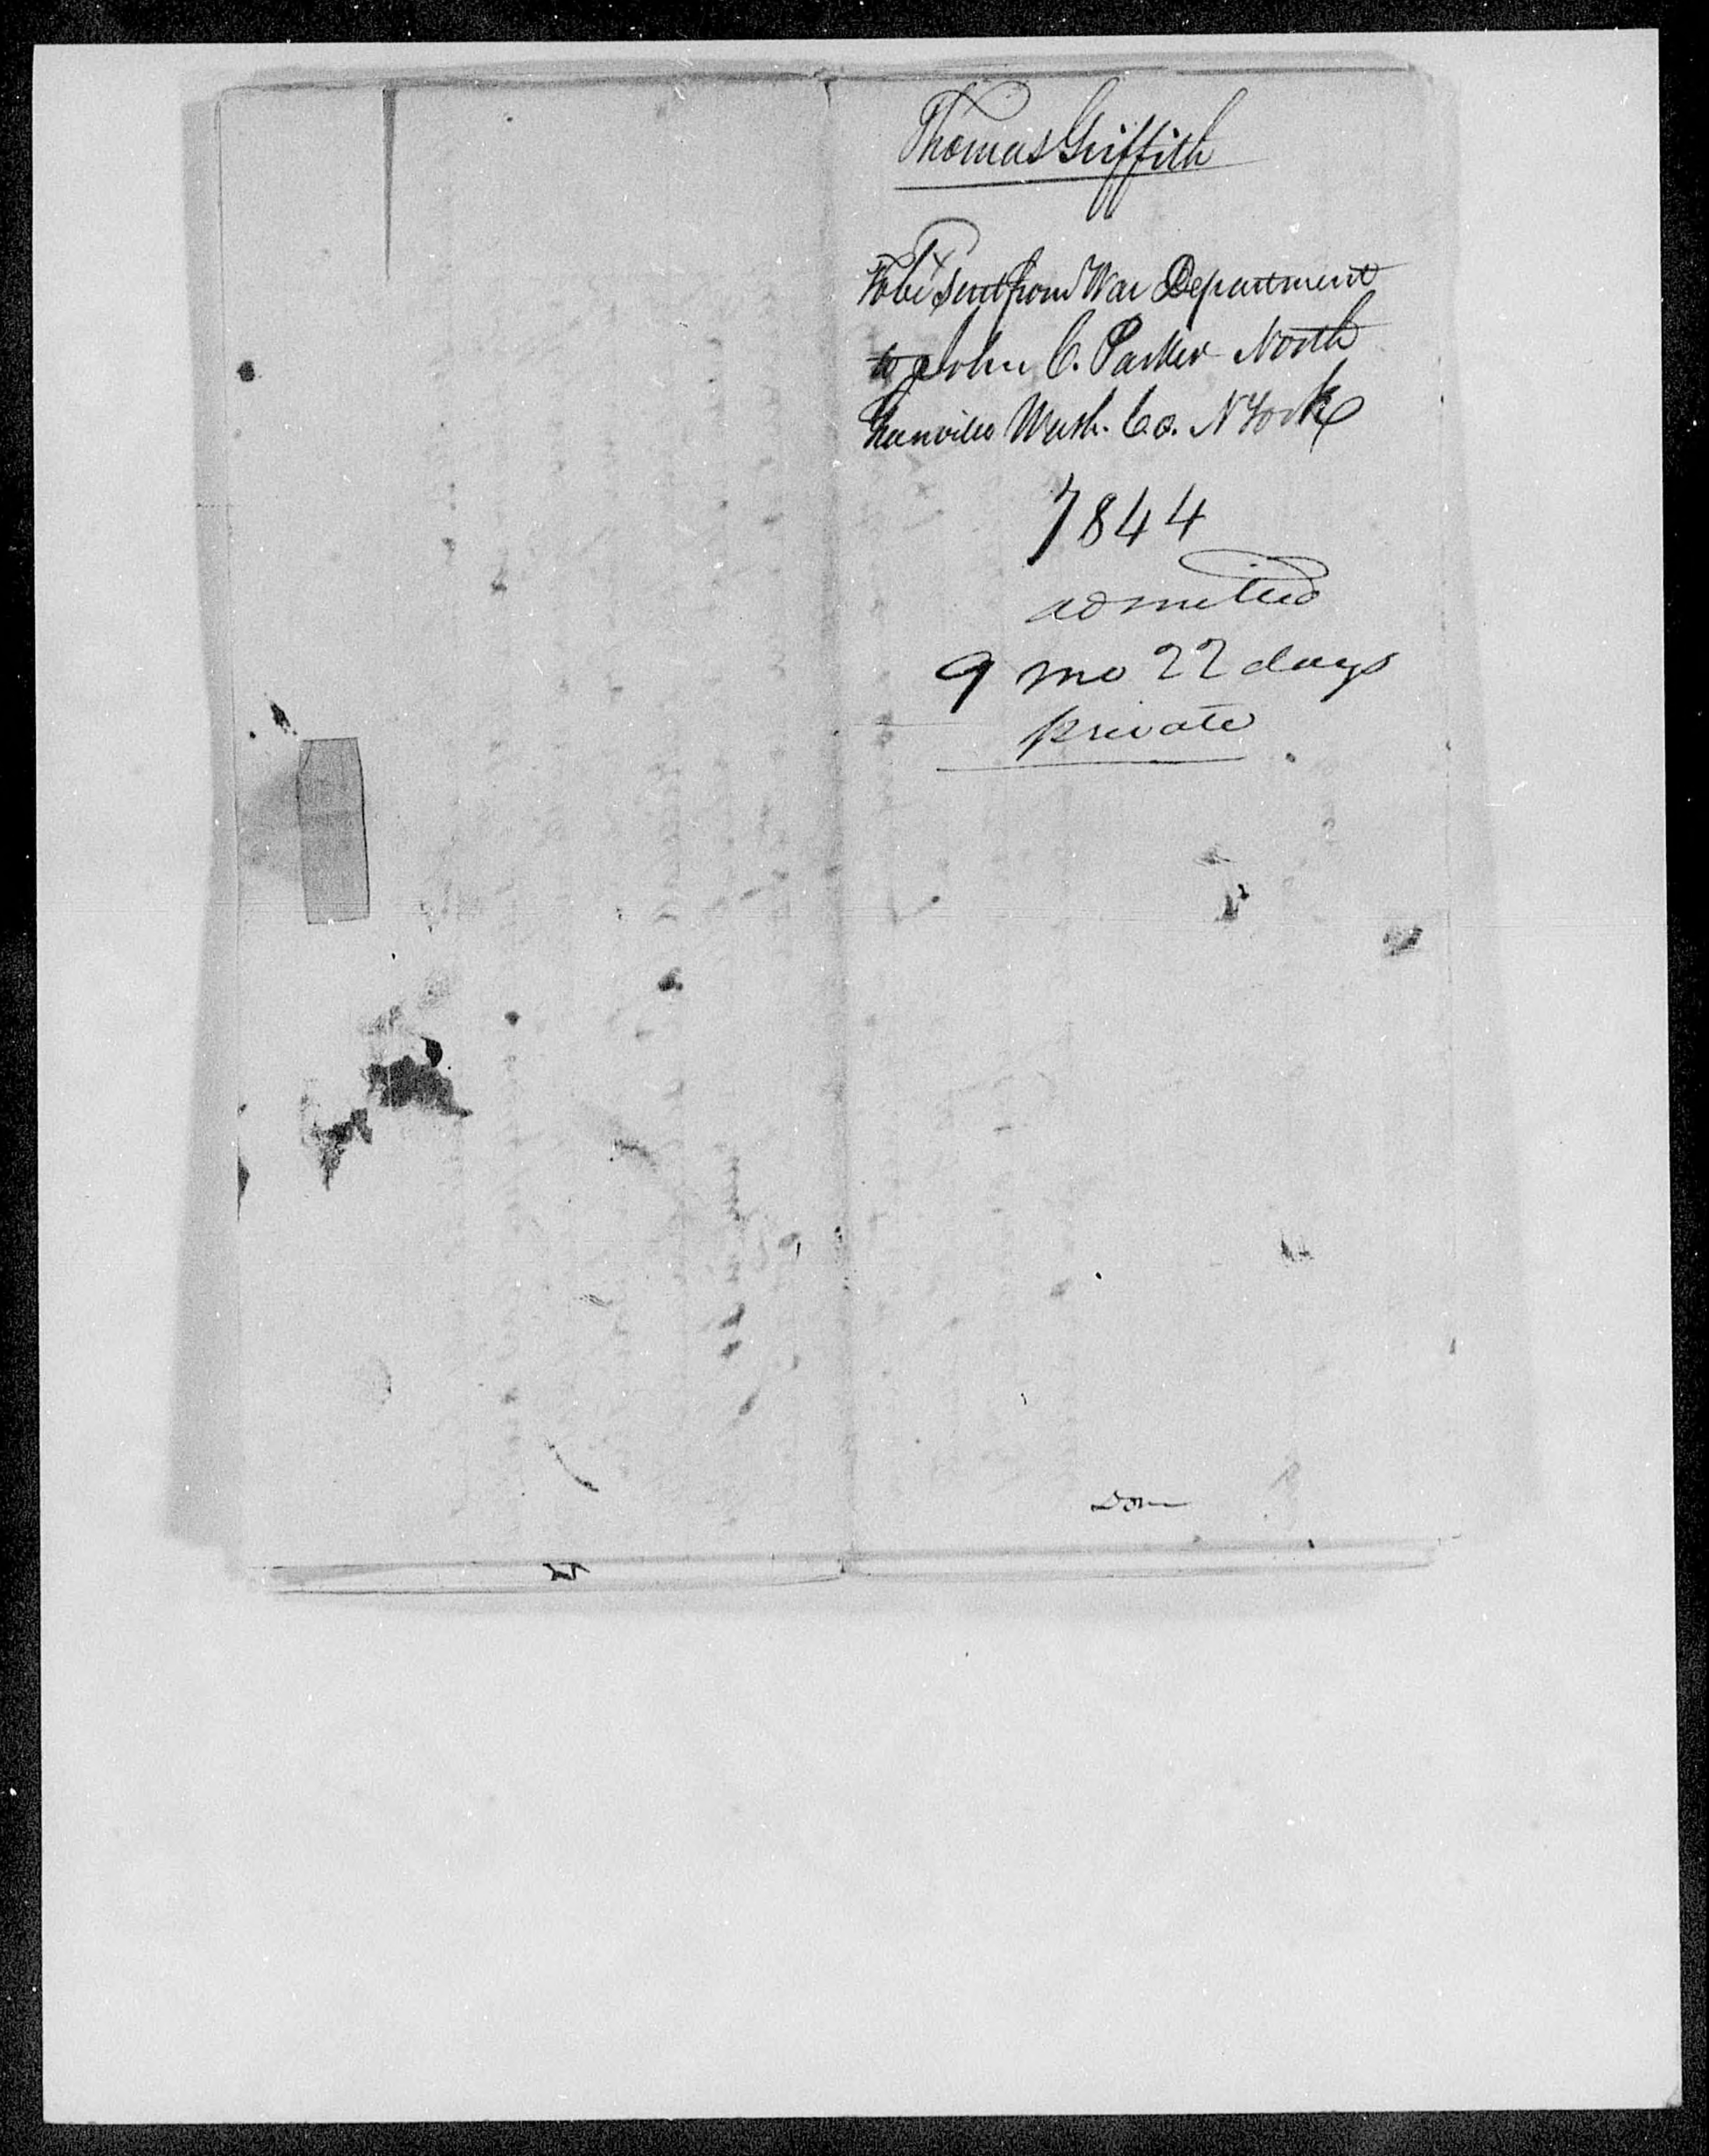Thomas Griffith
To be sent from War Department 
to John C. Parker North Granville Wash. Co. N York
7844
admitted
9 mo 22 days
private 

Done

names: John C Parker, Thomas Griffith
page: 3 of 14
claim: survivor's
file: S. 23663, Thomas Griffith, New York Vt.